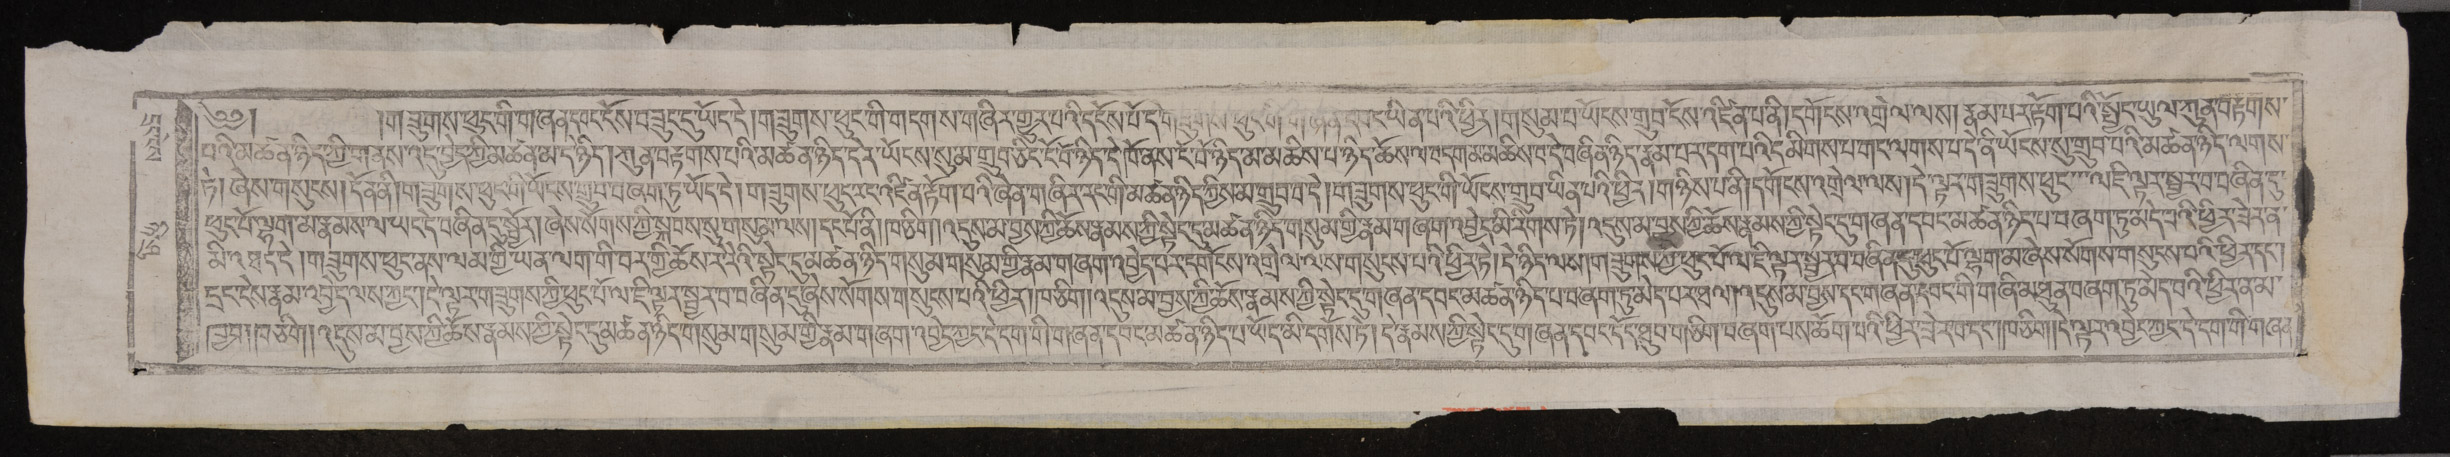༄༅། །གཟུགས་ཕུང་གི་གཞན་དབང་ངོས་བཟུང་དུ་ཡོད་དེ། གཟུགས་ཕུང་གི་གདགས་གཞིར་གྱུར་པའི་དངོས་པོ་དེ་གཟུགས་ཕུང་གི་གཞན་དབང་ཡིན་པའི་ཕྱིར། གསུམ་པ་ཡོངས་གྲུབ་ངོས་འཛིན་པ་ནི། དགོངས་འགྲེལ་ལས། རྣམ་པར་རྟོག་པའི་སྤྱོད་ཡུལ་ཀུན་བརྟགས་
པའི་མཚན་ཉིད་ཀྱི་གནས་འདུ་བྱེད་ཀྱི་མཚན་མ་དེ་ཉིད། ཀུན་བརྟགས་པའི་མཚན་ཉིད་དེར་ཡོངས་སུ་མ་གྲུབ་ཅིང་ངོ་བོ་ཉིད་དེ་ཁོ་ནས་ངོ་བོ་ཉིད་མ་མཆིས་པ་ཉིད་ཆོས་ལ་བདག་མ་མཆིས་བ་དེ་བཞིན་ཉིད་རྣམ་པར་དག་པའི་དམིགས་པ་གང་ལགས་པ་དེ་ནི་ཡོངས་སུ་གྲུབ་པའི་མཚན་ཉིད་ལགས་
ཏ༑ ཞེས་གསུངས། དོན་ནི། གཟུགས་ཕུང་གི་ཡོངས་གྲུབ་བཞག་ཏུ་ཡོད་དེ། གཟུགས་ཕུང་རང་འཛིན་རྟོག་པའི་ཞེན་གཞིར་རང་གི་མཚན་ཉིད་ཀྱིས་མ་གྲུབ་པ་དེ། གཟུགས་ཕུང་གི་ཡོངས་གྲུབ་ཡིན་པའི་ཕྱིར། གཉིས་པ་ནི། དགོངས་འགྲེལ་ལས། དེ་ལྟར་གཟུགས་ཕུང་ལ་ཇི་ལྟར་སྦྱར་བ་བཞིན་དུ་
ཕུང་པོ་ལྷག་མ་རྣམས་ལ་ཡང་དེ་བཞིན་དུ་སྦྱོར། ཞེས་སོགས་ཀྱི་སྐབས་སུ་གསུམ་ལས། དང་པོ་ནི། ཁ་ཅིག། འདུས་མ་བྱས་ཀྱི་ཆོས་རྣམས་ཀྱི་སྟེང་དུ་མཚན་ཉིད་གསུམ་གྱི་རྣམ་གཞག་འབྱེད་མི་རིགས་ཏེ། འདུས་མ་བྱས་ཀྱི་ཆོས་རྣམས་ཀྱི་སྟེང་དུ་གཞན་དབང་མཚན་ཉིད་པ་བཞག་ཏུ་མེད་པའི་ཕྱིར་ཟེར་ན་
མི་འཐད་དེ། གཟུགས་ཕུང་ནས་ལམ་གྱི་ཡན་ལག་གི་བར་གྱི་ཆོས་རེ་རེའི་སྟེང་དུ་མཚན་ཉིད་གསུམ་གསུམ་གྱི་རྣམ་གཞག་འབྱེད་པར་དགོངས་འགྲེལ་ལས་གསུངས་པའི་ཕྱིར་ཏེ། དེ་ཉིད་ལས། གཟུགས་ཀྱི་ཕུང་པོ་ལ་ཇི་ལྟར་སྦྱར་བ་བཞིན་དུ་ཕུང་པོ་ལྷག་མ་ཞེས་སོགས་གསུངས་པའི་ཕྱིར་དང་།
དྲང་ངེས་རྣམ་འབྱེད་ལས་ཀྱང་། དེ་ལྟར་གཟུགས་ཀྱི་ཕུང་པོ་ལ་ཇི་ལྟར་སྦྱར་བ་བཞིན་དུ་ཞེས་སོགས་གསུངས་པའི་ཕྱིར། ཁ་ཅིག། འདུས་མ་བྱས་ཀྱི་ཆོས་རྣམས་ཀྱི་སྟེང་དུ་གཞན་དབང་མཚན་ཉིད་པ་བཞག་ཏུ་མེད་པར་ཐལ། འདུས་མ་བྱས་དང་གཞན་དབང་གི་གཞི་མཐུན་བཞག་ཏུ་མེད་པའི་ཕྱིར་ན་མ་
ཁྱབ། ཁ་ཅིག། འདུས་མ་བྱས་ཀྱི་ཆོས་རྣམ་ཀྱི་སྟེང་དུ་མཚན་ཉིད་གསུམ་གསུམ་གྱི་རྣམ་གཞག་འབྱེད་ཀྱང་ད་དག་གི་གཞན་དབང་མཚན་ཉིད་པ་ཡོད་མི་དགོས་ཏེ། དེ་རྣམས་ཀྱི་སྟེང་དུ་གཞན་དབང་དོད་ཐུབ་གཅིག་བཞག་པས་ཆོག་པའི་ཕྱིར་ཟེར་བ་དང་། ཁ་ཅིག། དེ་ལྟར་འབྱེད་ཀྱང་དེ་དག་གི་གཞན་